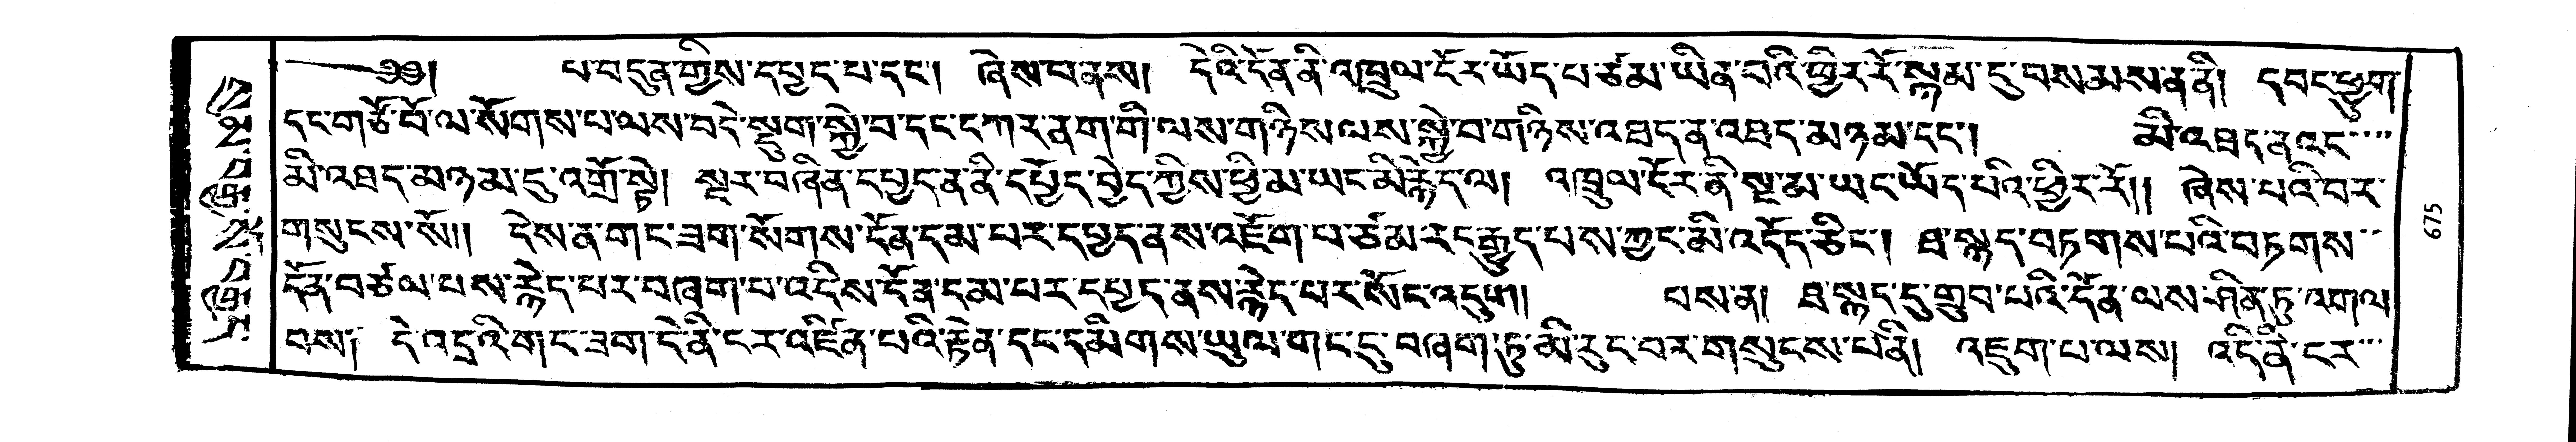༄༅། །པ་བདུན་གྱིས་དཔྱད་པ་དང་། ཞེས་པ་ནས། དེའི་དོན་ནི་འཁྲུལ་ངོར་ཡོད་པ་ཙམ་ཡིན་པའི་ཕྱིར་རོ་སྙམ་དུ་བསམས་ན་ནི། དབང་ཕྱུག་
དང་གཙོ་བོ་ལ་སོགས་པ་ལས་བདེ་སྡུག་སྐྱེ་བ་དང་དཀར་ནག་གི་ལས་གཉིས་ལས་སྐྱེ་བ་གཉིས་འཐད་ན་འཐད་མཉམ་དང་། མི་འཐད་ནའང་
མི་འཐད་མཉམ་དུ་འགྲོ་སྟེ། སྔར་བཞིན་དཔྱད་ན་ནི་དཔྱོད་བྱེད་ཀྱིས་ཕྱི་མ་ཡང་མི་རྙེད་ལ། འཁྲུལ་ངོར་ནི་སྔ་མ་ཡང་ཡོད་པའི་ཕྱིར་རོ། །ཞེས་པའི་བར་
གསུངས་སོ། །དེས་ན་གང་ཟག་སོགས་དོན་དམ་པར་དཔྱད་ནས་འཇོག་པ་ཙམ་རང་རྒྱུད་པས་ཀྱང་མི་འདོད་ཅིང་། ཐ་སྙད་བཏགས་པའི་བཏགས་
དོན་བཙལ་པས་རྙེད་པར་བཞག་པ་འདིས་དོན་དམ་པར་དཔྱད་ནས་རྙེད་པར་སོང་འདུག །པས་ན། ཐ་སྙད་དུ་གྲུབ་པའི་དོན་ལས་ཤིན་ཏུ་འགལ་
བས། དེ་འདྲའི་གང་ཟག་དེ་ནི་ངར་འཛིན་པའི་རྟེན་དང་དམིགས་ཡུལ་གང་དུ་བཞག་ཏུ་མི་རུང་བར་གསུངས་པ་ནི། འཇུག་པ་ལས། འདི་ནི་ངར་